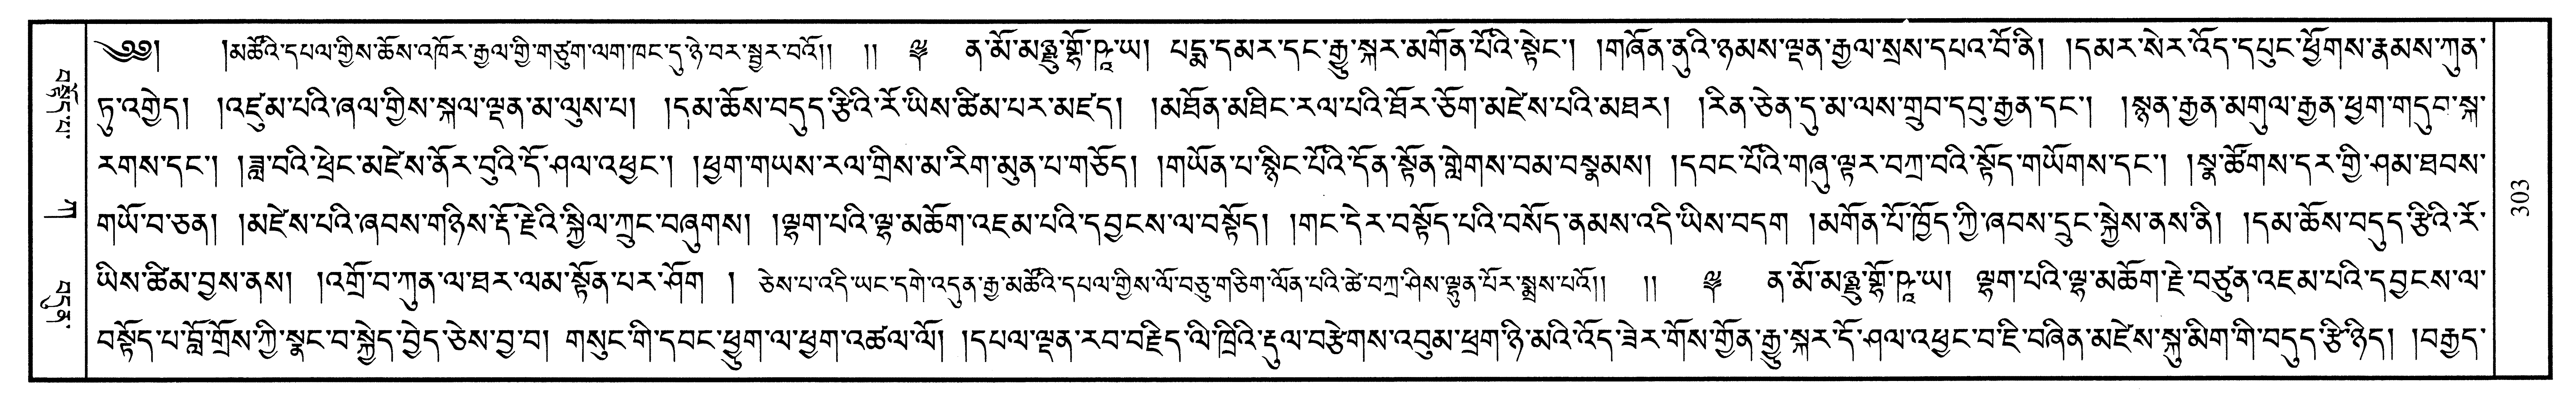༄༅། །མཚོའི་དཔལ་གྱིས་ཆོས་འཁོར་རྒྱལ་གྱི་གཙུག་ལག་ཁང་དུ་ཉེ་བར་སྦྱར་བའོ།། །། ༈ ན་མོ་མཉྫུ་གྷོ་ཥཱ་ཡ། པདམ་དམར་དང་རྒྱུ་སྐར་མགོན་པོའི་སྟེང་། །གཞོན་ནུའི་ཉམས་ལྡན་རྒྱལ་སྲས་དཔའ་བོ་ནི། །དམར་སེར་འོད་དཔུང་ཕྱོགས་རྣམས་ཀུན་
ཏུ་འགྱེད། །འཛུམ་པའི་ཞལ་གྱིས་སྐལ་ལྡན་མ་ལུས་པ། །དམ་ཆོས་བདུད་རྩིའི་རོ་ཡིས་ཚིམ་པར་མཛད། །མཐོན་མཐིང་རལ་པའི་ཐོར་ཅོག་མཛེས་པའི་མཐར། །རིན་ཅེན་དུ་མ་ལས་གྲུབ་དབུ་རྒྱན་དང་། །སྙན་རྒྱན་མགུལ་རྒྱན་ཕྱག་གདུབ་སྐ་
རགས་དང་། །ཟླ་བའི་ཕྲེང་མཛེས་ནོར་བུའི་དོ་ཤལ་འཕྱང་། །ཕྱག་གཡས་རལ་གྲིས་མ་རིག་མུན་པ་གཅོད། །གཡོན་པ་སྙིང་པོའི་དོན་སྟོན་གླེགས་བམ་བསྣམས། །དབང་པོའི་གཞུ་ལྟར་བཀྲ་བའི་སྟོད་གཡོགས་དང་། །སྣ་ཚོགས་དར་གྱི་ཤམ་ཐབས་
གཡོ་བ་ཅན། །མཛེས་པའི་ཞབས་གཉིས་རྡོ་རྗེའི་སྐྱིལ་ཀྲུང་བཞུགས། །ལྷག་པའི་ལྷ་མཆོག་འཇམ་པའི་དབྱངས་ལ་བསྟོད། །གང་དེར་བསྟོད་པའི་བསོད་ནམས་འདི་ཡིས་བདག །མགོན་པོ་ཁྱོད་ཀྱི་ཞབས་དྲུང་སྐྱེས་ནས་ནི། །དམ་ཆོས་བདུད་རྩིའི་རོ་
ཡིས་ཚིམ་བྱས་ནས། །འགྲོ་བ་ཀུན་ལ་ཐར་ལམ་སྟོན་པར་ཤོག། ཅེས་པ་འདི་ཡང་དགེ་འདུན་རྒྱ་མཚོའི་དཔལ་གྱིས་ལོ་བཅུ་གཅིག་ལོན་པའི་ཚེ་བཀྲ་ཤིས་ལྷུན་པོར་སྨྲས་པའོ།། །། ༈ ན་མོ་མཉྫུ་གྷོ་ཥཱ་ཡ། ལྷག་པའི་ལྷ་མཆོག་རྗེ་བཙུན་འཇམ་པའི་དབྱངས་ལ་
བསྟོད་པ་བློ་གྲོས་ཀྱི་སྣང་བ་སྐྱེད་བྱེད་ཅེས་བྱ་བ། གསུང་གི་དབང་ཕྱུག་ལ་ཕྱག་འཚལ་ལོ། །དཔལ་ལྡན་རབ་བརྗིད་ལི་ཁྲིའི་རྡུལ་བརྩེགས་འབུམ་ཕྲག་ཉི་མའི་འོད་ཟེར་གོས་གྱོན་རྒྱུ་སྐར་དོ་ཤལ་འཕྱང་བ་ཇི་བཞིན་མཛེས་སྐུ་མིག་གི་བདུད་རྩི་ཉིད། །བརྒྱད་